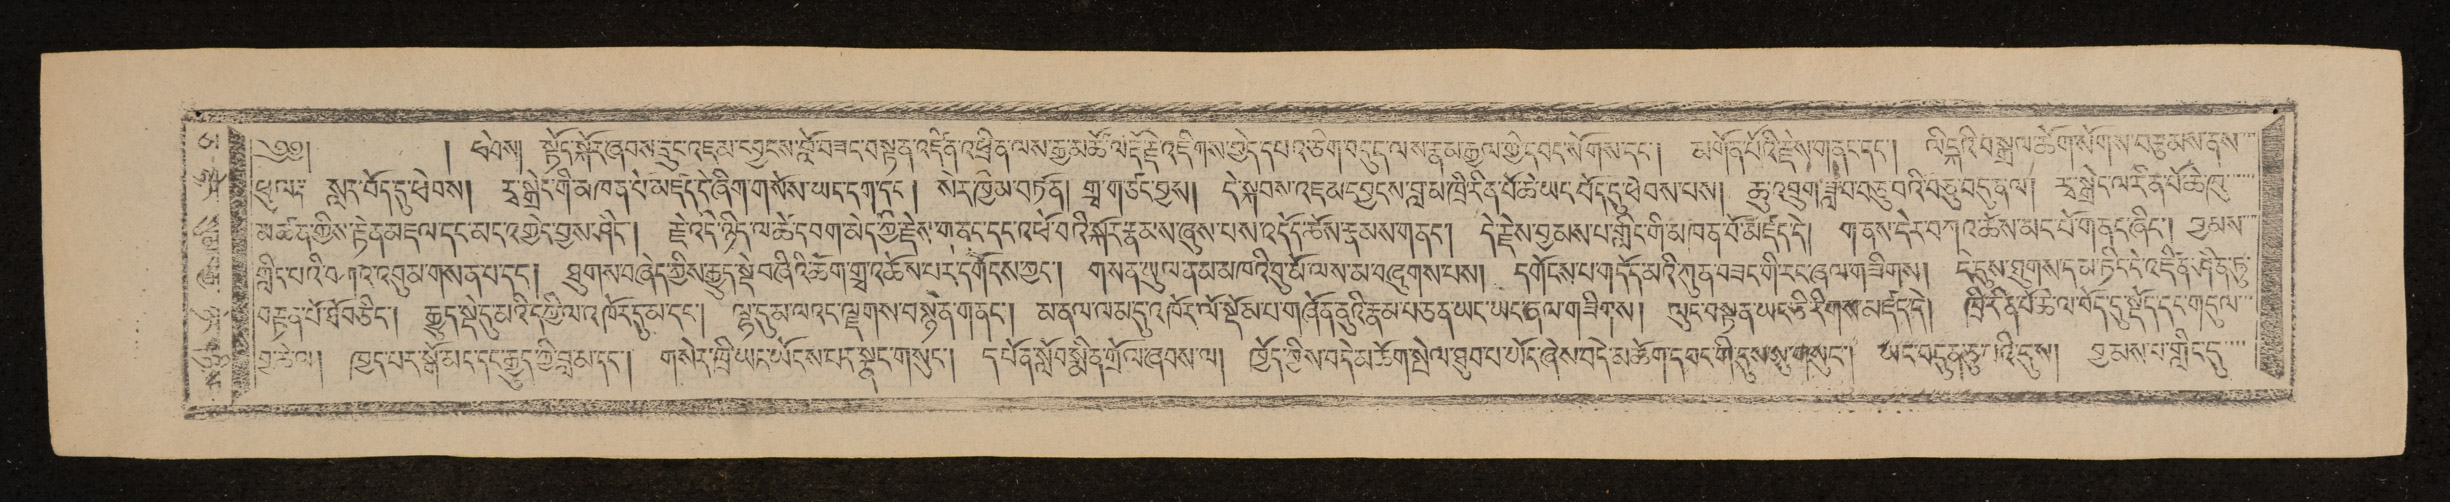༄༅། །ཕེབས། སྟོད་སྐོར་ཞབས་དྲུང་འཇམ་དབྱངས་བློ་བཟང་བསྟན་འཛིན་འཕྲིན་ལས་རྒྱ་མཚོ་ལ་རྡོ་རྗེ་འཇིགས་བྱེད་དཔའ་ཅིག་བདུད་ལས་རྣམ་རྒྱལ་གྱི་དབང་སོགས་དང་། མགོན་པོའི་རྗེས་གནང་དང་། ལིངྐའི་བསྒྲལ་ཆོག་སོགས་བརྩམས་ནས་
ཕུལ༑ སླར་བོད་དུ་ཕེབས། རྭ་སྒྲེང་གི་མཁན་པོ་མཛད་དེ་ཞིག་གསོས་ཡང་དག་དང་། སེར་ཁྱིམ་བཏོན། གྲྭ་གཙང་བྱས། དེ་སྐབས་འཇམ་དབྱངས་བླ་མ་ཁྲི་རིན་པོ་ཆེ་ཡང་འོད་དུ་ཕེབས་པས། ཆུ་འབྲུག་ཟླ་བ་བཅུ་བའི་བཅུ་བདུན་ལ། རྭ་སྒྲེང་ལ་རིན་པོ་ཆེ་ཁུ་
མཚན་གྱིས་རྟེན་མཇལ་དང་མང་འགྱེད་བྱས་ཤིང་། རྗེ་འདི་ཉིད་ལ་ཚེ་དཔག་མེད་ཀྱི་རྗེས་གནང་དང་འཕོ་བའི་སྐོར་རྣམས་ཞུས་པས་འདོད་ཆོས་རྣམས་གནང་། དེ་རྗེས་བྱམས་པ་གླིང་གི་མཁན་པོ་མཛད་དེ། གནས་དེར་བཀའ་ཆོས་མང་པོ་གནང་ཞིང་། བྱམས་
གླིང་པའི་བཀའ་འབུམ་གསན་པ་དང་། ཐུགས་བཞེད་ཀྱིས་རྒྱུད་སྡེ་བཞིའི་ཆོག་གྲྭ་འཆོས་པར་དགོངས་ཀྱང་། གསན་ཡུལ་ནམ་མཁའི་བུ་མོ་ལས་མ་བཞུགས་པས། དགོངས་པ་གདོད་མའི་ཀུན་བཟང་གི་རང་ཞལ་གཟིགས། །དེ་དུས་ཐུགས་དམ་ཏིང་ངེ་འཛིན་ཤིན་ཏུ་
བརྟན་པོ་ཐོབ་ཅིང་། རྒྱུད་སྡེ་དུ་མའི་དཀྱིལ་འཁོར་དུ་མ་དང་། ལྷ་དུ་མ་ལའང་ལྗགས་བསྙེན་གནང་། མནལ་ལམ་དུ་འཁོར་ལོ་སྡོམ་པ་གཞོན་ནུའི་རྣམ་པ་ཅན་ཡང་ཡང་ཞལ་གཟིགས། ལུང་བསྟན་ཡང་ཅི་རིགས་མཛད་དེ། ཁྲི་རིན་པོ་ཆེ་ལ་བོད་དུ་སྡོད་དང་གདུལ་
བྱ་ཆེ་ལ། ཁྱད་པར་སྒོ་མང་དང་རྒྱུད་ཀྱི་བླ་མ་དང་། གསེར་ཕྲི་ཡང་ཡོངས་པར་སྣང་གསུང་། དཔོན་སློབ་སྨིན་གྲོལ་ཞབས་ལ། ཁྱོད་ཀྱིས་བདེ་མཆོག་སྤེལ་ཐུབ་པ་ཡོང་ཞེས་བདེ་མཆོག་དབང་གི་དུས་སུ་གསུང་། ཡང་བདུན་ཅུ་པའི་དུས། བྱམས་པ་གླིང་དུ་